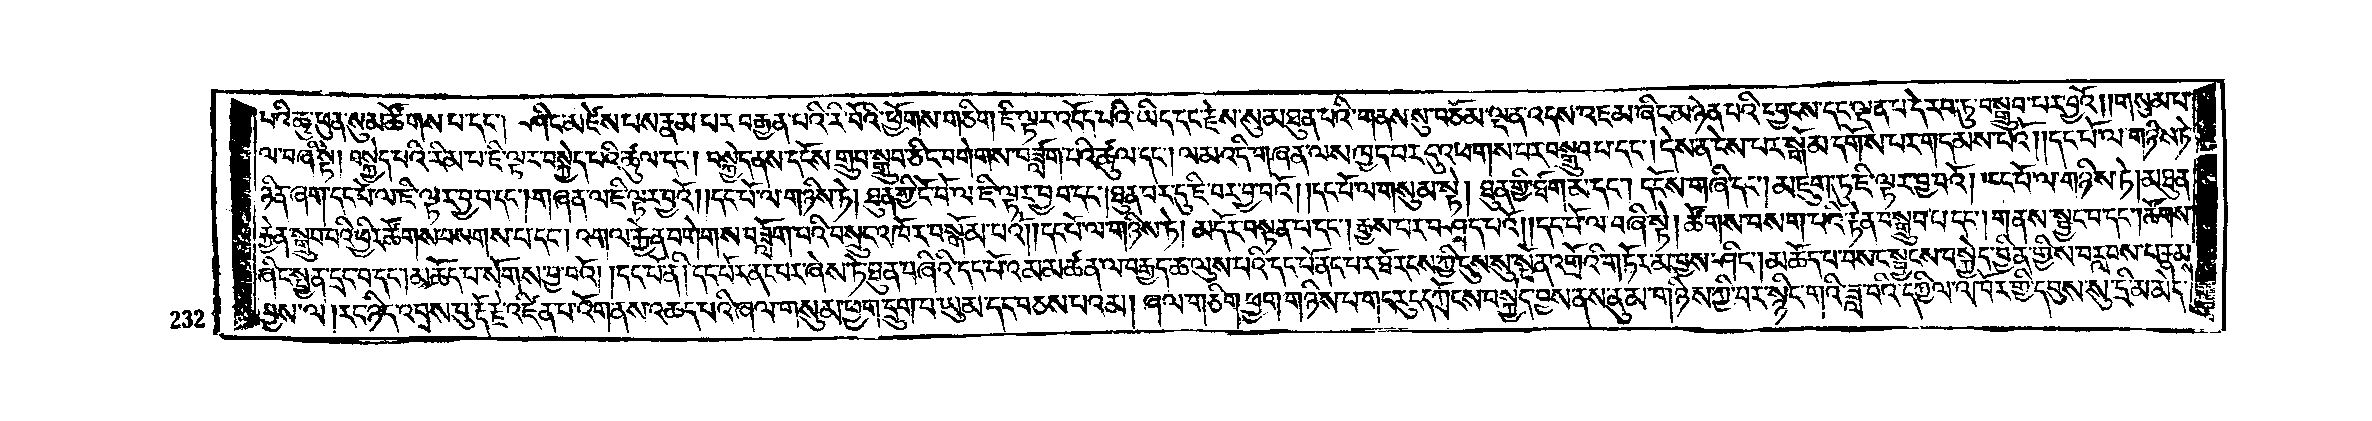པའི་ཆུ་ཕུན་སུམ་ཚོགས་པ་དང་། ཤིང་མཛེས་པས་རྣམ་པར་བརྒྱན་པའི་རི་བོའི་ཕྱོགས་གཅིག་ཇི་ལྟར་འདོད་པའི་ཡིད་དང་རྗེས་སུ་མཐུན་པའི་གནས་སུ་བཅོམ་ལྡན་འདས་འཇམ་ཞིང་མཉེན་པའི་དབྱངས་དང་ལྡན་པ་དེ་རབ་ཏུ་བསྒྲུབ་པར་བྱའོ། །གསུམ་པ་ལ་བཞི་སྟེ། བསྐྱེད་པའི་རིམ་པ་ཇི་ལྟར་བསྐྱེད་པའི་ཚུལ་དང་། བསྐྱེད་ནས་དངོས་གྲུབ་སྒྲུབ་ཅིང་བགེགས་བཟློག་པའི་ཚུལ་དང་། ལམ་འདི་གཞན་ལས་ཁྱད་པར་དུ་འཕགས་པར་བསྒྲུབ་པ་དང་། དེས་ན་ངེས་པར་སྒོམ་དགོས་པར་དགོས་པར་གདམས་པའོ། །དང་པོ་ལ་གཉིས་ཏེ།
ཉིན་ཞག་དང་པོ་ལ་ཇི་ལྟར་བྱ་བ་དང་། གཞན་ལ་ཇི་ལྟར་བྱའོ། །དང་པོ་ལ་གཉིས་ཏེ། ཐུན་ཀྱི་ངོ་བོ་ལ་ཇི་ལྟར་བྱ་བ་དང་། ཐུན་བར་དུ་ཇི་བར་བྱ་བའོ། །དང་པོ་ལ་གསུམ་སྟེ། ཐུན་གྱི་ཐོག་མ་དང་། དངོས་གཞི་དང་། མཇུག་ཏུ་ཇི་ལྟར་བྱ་བའོ། །དང་པོ་ལ་གཉིས་ཏེ། མཐུན་
རྐྱེན་སྒྲུབ་པའི་ཕྱིར་ཚོགས་བསགས་པ་དང་། འགལ་རྐྱེན་བགེགས་བཟློག་པའི་བསྲུང་འཁོར་བསྒོམ་པའོ། །དང་པོ་ལ་གཉིས་ཏེ། མདོར་བསྟན་པ་དང་། རྒྱས་པར་བཤད་པའོ། །དང་པོ་ལ་བཞི་སྟེ། ཚོགས་བསགས་པའི་རྟེན་བསྒྲུབ་པ་དང་། གནས་སྦྱང་བ་དང་། ཚོགས་
ཞིང་སྤྱན་དྲང་བ་དང་། མཆོད་པ་སོགས་བྱ་བའོ། །དང་པོ་ནི། དང་པོར་ནང་བར་ཞེས་ཏེ་ཐུན་བཞིའི་དང་པོ་འམ་མཚན་ལ་བརྒྱད་ཆ་ལུས་པའི་དང་པོ་ནང་པར་ཐོ་རངས་ཀྱི་དུས་སུ་སྔོན་འགྲོའི་གཏོར་མ་བྱས་ཤིང་། མཆོད་པ་བསང་སྦྱངས་བསྐྱེད་བྱིན་གྱིས་བརླབས་པ་རྣམས་
བྱས་ལ། རང་ཉིད་འབྲས་བུ་རྡོ་རྗེ་འཛིན་པ་འོག་ནས་འཆད་པའི་ཞལ་གསུམ་ཕྱག་དྲུག་པ་ཡུམ་དང་བཅས་པའམ། ཞལ་གཅིག་ཕྱག་གཉིས་པ་གང་རུང་དཀྲོངས་བསྐྱེད་བྱས་ནས་ནུ་མ་གཉིས་ཀྱི་བར་སྙིང་གའི་ཟླ་བའི་དཀྱིལ་འཁོར་གྱི་དབུས་སུ་དྲི་མ་མེད་